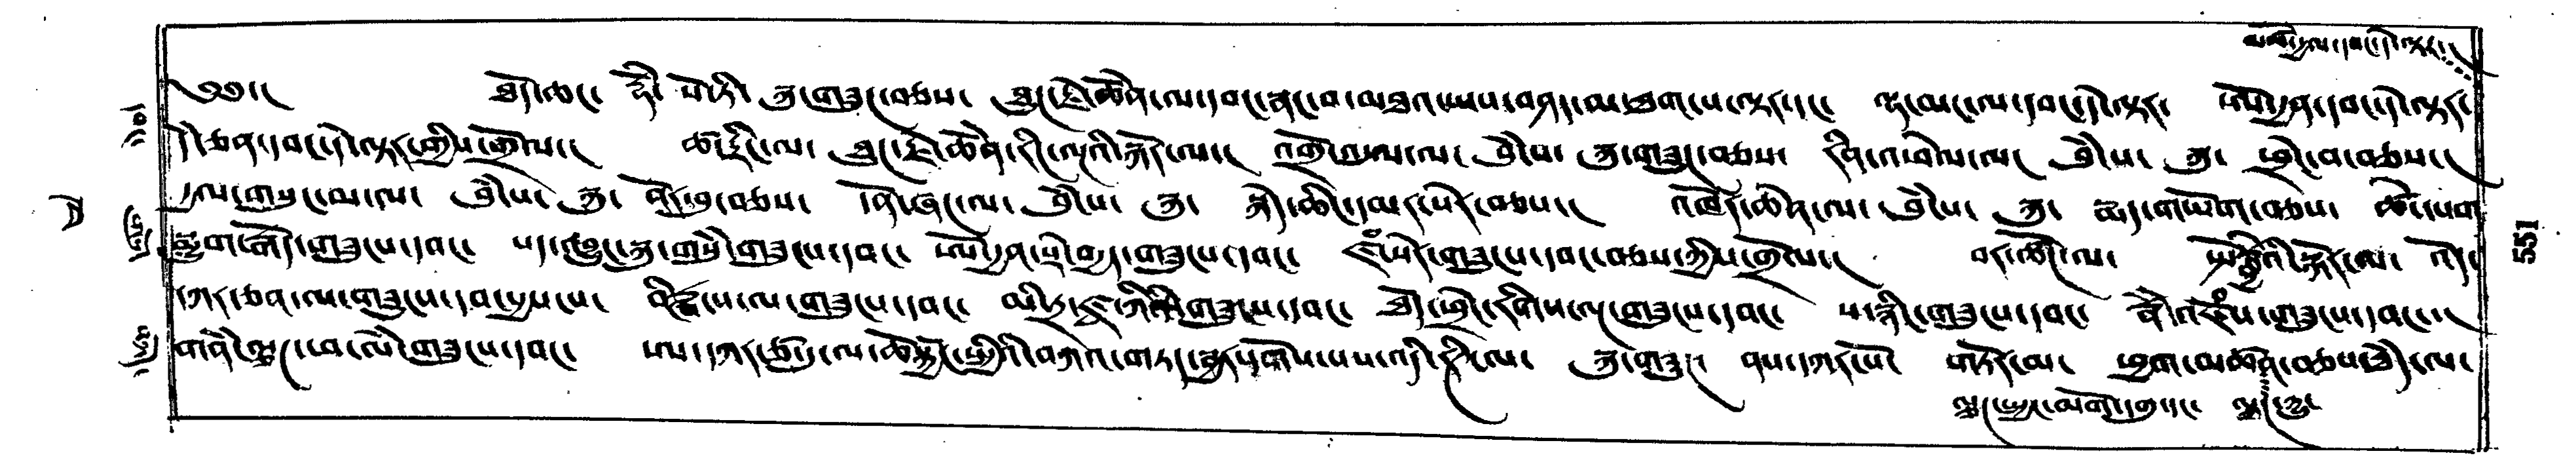ཐོད་ཆང་། རྡོ་རྗེ། པོ་ཏི། སྐུ་གཟུགས་བཅས། ཐུགས་རྗེ་ཆེན་པོ་ལ་དབང་སྣང་བ་མཐའ་ཡས་བཤད་མ་ཐག་པ་ལྟར་དང་། ལྷ་མང་ལ་དབང་དེ་ལྟར། ཨོ་རྒྱན་དབང་དེ་ལྟར། མཚོ་རྒྱལ་དབང་དེ་ལྟར། 
དམ་ཅན་དབང་དེ་ལྟར་གྱིས་གྲོལ། ཚ་རྟིང་ལ། ཐུགས་རྗེ་ཆེན་པོ་རིགས་ལྔའི་སྐོར་ལ། འགྲོ་འདུལ་ལ། བུམ་པ། སྐུ་གཟུགས་བཅས། རིན་འཕེལ་ལ། བུམ་པ། སྐུ། ཕྲེང་བ་བཅས། 
རྒྱལ་གསུང་མ་ལ།བུམ་པ། སྐུ། ནོར་བུ་བཅས། དོན་ཞགས་ལ། བུམ་པ། སྐུ། སྐེད་ཆིང་དམར་སེར་བཅས། འཁོར་ཆེན་ལ། བུམ་པ། སྐུ། སྨད་གཡོགས་བཅས། ཚེ་དཔག་
སྨྱུག་རྒོད་གཟུངས་དབང་། པད་འབྱུང་སྐུ་གསུམ་གཟུངས་དབང་། ཨོ་རྒྱན་སྡེ་བརྒྱད་གཟུངས་དབང་། ཛཾ་སེར་གཟུངས་དབང་བཅས་ཀྱི་གྲོལ། བར་ཚོགས་ལ་པརྞཻཡའི་(?)སྐོར་ལ། འོད་
དཀར་ཅན་ལ་གཟུངས་དབང་རྒྱས་པ། བིརྦ་པ་ལ་གཟུངས་དབང་། མི་ཏྲ་ཛྭ་ཀིའི་གཟུངས་དབང་། ཐོད་ཕྲེང་རིགས་ལྔ་གཟུངས་དབང་། ས་སྙིང་གཟུངས་དབང་། རྣམ་འཇོམས་གཟུངས་དབང། 
གནམ་ལྕགས་ཕ་ལམ་གཟུངས་དབང་། ཨ་དཀར་ཙ་དུ་ལ་ཆོས་སྐྱོང་སྤྱིའི་བཀའ་གཏད་སྦྱར་དགོས་པས་འདི་རིགས་ལ། སྐུ་གཟུགས། ནས་དཀར་པོ། གཏོར་མ། ཕྱག་མཚན་ལྕགས་སྤྱང་མགོ་དགུ་དང་ལྕགས་ཀྱུ་བཅས་ཐམས་ཅད་ལ་